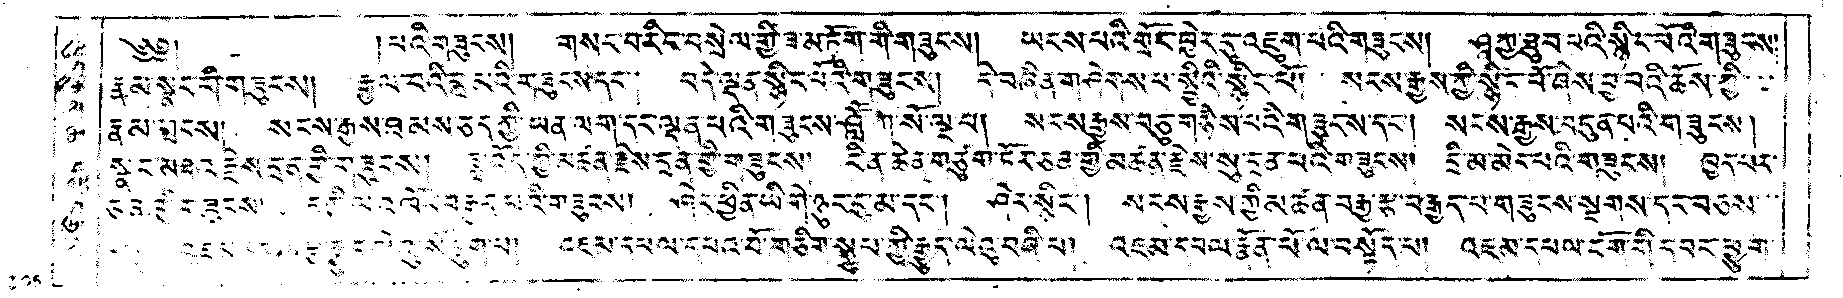༄༅། །པའི་གཟུངས། གསང་བ་རིང་བསྲེལ་གྱི་ཟ་མ་ཏོག་གི་གཟུངས། ཡངས་པའི་གྲོང་ཁྱེར་དུ་འཇུག་པའི་གཟུངས། ཤཱཀྱ་ཐུབ་པའི་སྙིང་པོའི་གཟུངས།
རྣམ་སྣང་གི་གཟུངས། རྒྱལ་བའི་བླ་མའི་གཟུངས་དང་། བདེ་ལྡན་སྙིང་པོའི་གཟུངས། དེ་བཞིན་གཤེགས་པ་སྤྱིའི་སྙིང་པོ། སངས་རྒྱས་ཀྱི་སྙིང་པོ་ཞེས་བྱ་བའི་ཆོས་ཀྱི་
རྣམ་གྲངས། སངས་རྒྱས་ཐམས་ཅད་ཀྱི་ཡན་ལག་དང་ལྡན་པའི་གཟུངས་ཤླཽ་ཀ་སོ་ལྔ་པ། སངས་རྒྱས་བཅུ་གཉིས་པའི་གཟུངས་དང་། སངས་རྒྱས་བདུན་པའི་གཟུངས།
སྣང་མཐའ་རྗེས་དྲན་གྱི་གཟུངས། ཟླ་འོད་ཀྱི་མཚན་རྗེས་དྲན་གྱི་གཟུངས། རིན་ཆེན་གཙུག་ཏོར་ཅན་གྱི་མཚན་རྗེས་སུ་དྲན་པའི་གཟུངས། དྲི་མ་མེད་པའི་གཟུངས། ཁྱད་པར་
ཅན་གྱི་གཟུངས། དཀྱིལ་འཁོར་བརྒྱད་པའི་གཟུངས། ཤེར་ཕྱིན་ཡི་གེ་ཉུང་ངུ་མ་དང་། ཤེར་སྙིང་། སངས་རྒྱས་ཀྱི་མཚན་བརྒྱ་རྩ་བརྒྱད་པ་གཟུངས་སྔགས་དང་བཅས་
པ༑ འཇམ་དཔལ་རྩ་རྒྱུད་ལེའུ་སོ་དྲུག་པ། འཇམ་དཔལ་དཔའ་བོ་གཅིག་སྒྲུབ་ཀྱི་རྒྱུད་ལེའུ་བཞི་པ། འཇམ་དཔལ་རྣོན་པོ་ལ་བསྟོད་པ། འཇམ་དཔལ་ངག་གི་དབང་ཕྱུག་